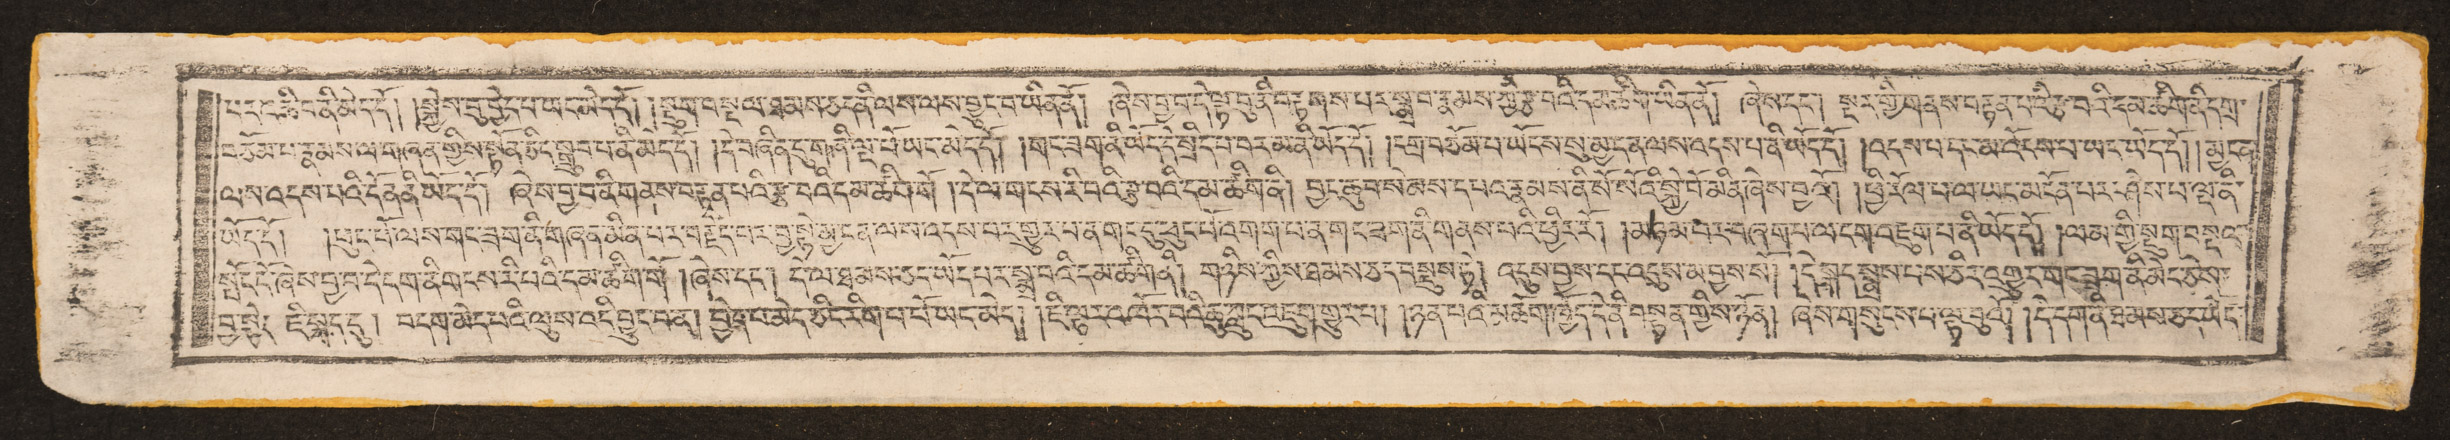པར་འཆི་བ་ནི་མེད་དོ། །སྐྱེས་བུ་བྱེད་པ་ཡང་མེད་དོ། །སྡུག་བསྔལ་ཐམས་ཅད་ནི་ལས་ལས་བྱུང་བ་ཡིན་ནོ། ཞེས་བྱ་བ་དེ་ལྟ་བུ་ནི་བརྟགས་པར་སྨྲ་བ་རྣམས་ཀྱི་རྩ་བའི་དམ་ཚིག་ཡིན་ནོ། ཞེས་དང་། སྔར་གྱི་གནས་བརྟན་པའི་རྩ་བའི་དམ་ཚིག་ནི་དགྲ་
བཅོམ་པ་རྣམས་ལ་གཞན་གྱིས་སྟོན་ཅིང་སྒྲུབ་པ་ནི་མེད་དོ། །དེ་བཞིན་དུ་གཞི་ལྔ་བོ་ཡང་མེད་དོ། །གང་ཟག་ནི་ཡོད་དེ་སྲིད་པ་བར་མ་ནི་ཡོད་དོ། །དགྲ་བཅོམ་པ་ཡོངས་སུ་མྱ་ངན་ལས་འདས་བ་ནི་ཡོད་དོ། །འདས་པ་དང་མ་འོངས་བ་ཡང་ཡོད་དོ། །མྱ་ངན་
ལས་འདས་བའི་དོན་ནི་ཡོད་དོ། ཞེས་བྱ་བ་ནི་གནས་བརྟན་པའི་རྩ་བའི་དམ་ཚིག་གོ །དེ་ལ་གངས་རི་བའི་རྩ་བའི་དམ་ཚིག་ནི། བྱང་ཆུབ་སེམས་དཔའ་རྣམས་ནི་སོ་སོའི་སྐྱེ་བོ་མིན་ཞེས་བྱའོ། །ཕྱི་རོལ་པ་ལ་ཡང་མངོན་པར་ཤེས་པ་ལྔ་ནི་
ཡོད་དོ། །ཕུང་བོ་ལས་གང་ཟག་ནི་གཞན་མིན་པར་བརྗོད་པར་བྱ་སྟེ་མྱ་ངན་ལས་འདས་པར་གྱུར་བ་ན་གང་དུ་ཕུང་པོ་འགག་པ་ན་གང་ཟག་ནི་གནས་པའི་ཕྱིར་རོ། །མཉམ་པར་བཞག་པ་ལ་དག་འཇུག་པ་ནི་ཡོད་དོ། །ལམ་གྱི་སྡུག་བསྔལ་
སྤོང་ངོ་ཞེས་བྱ་བ་དེ་དག་ནི་གངས་རི་པའི་དམ་ཚིག་གོ །ཞེས་དང་། དེ་ལ་ཐམས་ཅད་ཡོད་པར་སྨྲ་བའི་དམ་ཚིག་ནི། གཉིས་ཀྱིས་ཐམས་ཅད་བསྡུས་ཏེ། འདུས་བྱས་དང་འདུས་མ་བྱས་སོ། །དེ་སྐད་སྨྲས་པས་ཅིང་འགྱུར་གང་ཟག་ནི་མེད་ཅེས་
བྱ་སྟེ༑ ཇི་སྐད་དུ། བདག་མེད་པའི་ལུས་འདི་བྱུང་བ་ན། བྱེད་པ་མེད་ཅིང་རིག་པ་བོ་ཡང་མེད། །ཇི་ལྟར་འཁོར་བའི་ཆུ་ཀླུང་འཇུག་གྱུར་བ། །ཉན་པའི་མཆོག་ཁྱོད་དེ་ནི་བསྟན་གྱིས་ཉོན། ཞེས་གསུངས་པ་ལྟ་བུའོ། །དེ་དག་ནི་ཐམས་ཅད་ཡོད་